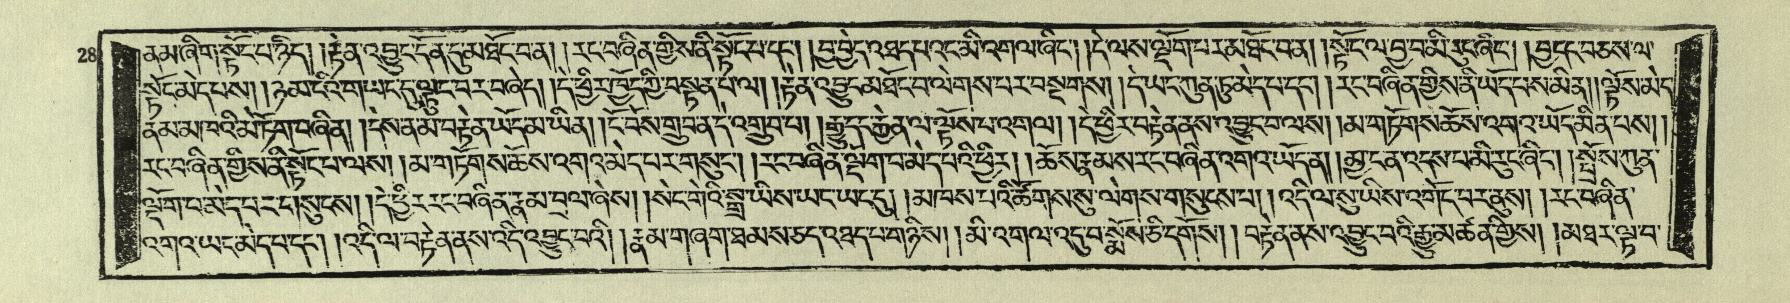ནམ་ཞིག་སྟོང་པ་ཉིད། །རྟེན་འབྱུང་དོན་དུ་མཐོང་བ་ན། །རང་བཞིན་གྱིས་ནི་སྟོང་པ་དང་། །བྱ་བྱེད་འཐད་པའང་མི་འགལ་ཞིང་། །དེ་ལས་ལྡོག་པར་མཐོང་བ་ན། །སྟོང་ལ་བྱ་བ་མི་རུང་ཞིང་། །བྱ་དང་བཅས་ལ་
སྟོང་མེད་པས། །ཉམ་ངའི་གཡང་དུ་ལྟུང་བར་བཞེད། །དེ་ཕྱིར་ཁྱོད་ཀྱི་བསྟན་པ་ལ། །རྟེན་འབྱུང་མཐོང་བ་ལེགས་པར་བསྔགས། །དེ་ཡང་ཀུན་ཏུ་མེད་པ་དང་། །རང་བཞིན་གྱིས་ནི་ཡོད་པས་མིན། །ལྟོས་མེད་
ནམ་མཁའི་མེ་ཏོག་བཞིན། །དེས་ན་མ་བརྟེན་ཡོད་མ་ཡིན། །ངོ་བོས་གྲུབ་ན་དེ་འགྲུབ་པ། །རྒྱུ་དང་རྐྱེན་ལ་ལྟོས་པ་འགལ། །དེ་ཕྱིར་བརྟེན་ནས་འབྱུང་བ་ལས། །མ་གཏོགས་ཆོས་འགའ་ཡོད་མིན་པས།།
རང་བཞིན་གྱིས་ནི་སྟོང་པ་ལས། །མ་གཏོགས་ཆོས་འགའ་མེད་པར་གསུང་། །རང་བཞིན་ལྡོག་པ་མེད་པའི་ཕྱིར། །ཆོས་རྣམས་རང་བཞིན་འགའ་ཡོད་ན། །མྱ་ངན་འདས་པ་མི་རུང་ཞིང་། །སྤྲོས་ཀུན་
ལྡོག་པ་མེད་པར་གསུངས། །དེ་ཕྱིར་རང་བཞིན་རྣམ་བྲལ་ཞེས། །སེང་གེའི་སྒྲ་ཡིས་ཡང་ཡང་དུ། །མཁས་པའི་ཚོགས་སུ་ལེགས་གསུངས་པ། །འདི་ལ་སུ་ཡིས་འགོད་པར་ནུས། །རང་བཞིན་
འགའ་ཡང་མེད་པ་དང་། །འདི་ལ་བརྟེན་ནས་འདི་འབྱུང་བའི། །རྣམ་གཞག་ཐམས་ཅད་འཐད་པ་གཉིས། །མི་འགལ་འདུ་བ་སྨོས་ཅི་དགོས། །བརྟེན་ནས་འབྱུང་བའི་རྒྱུ་མཚན་གྱིས། །མཐར་ལྟ་བ་